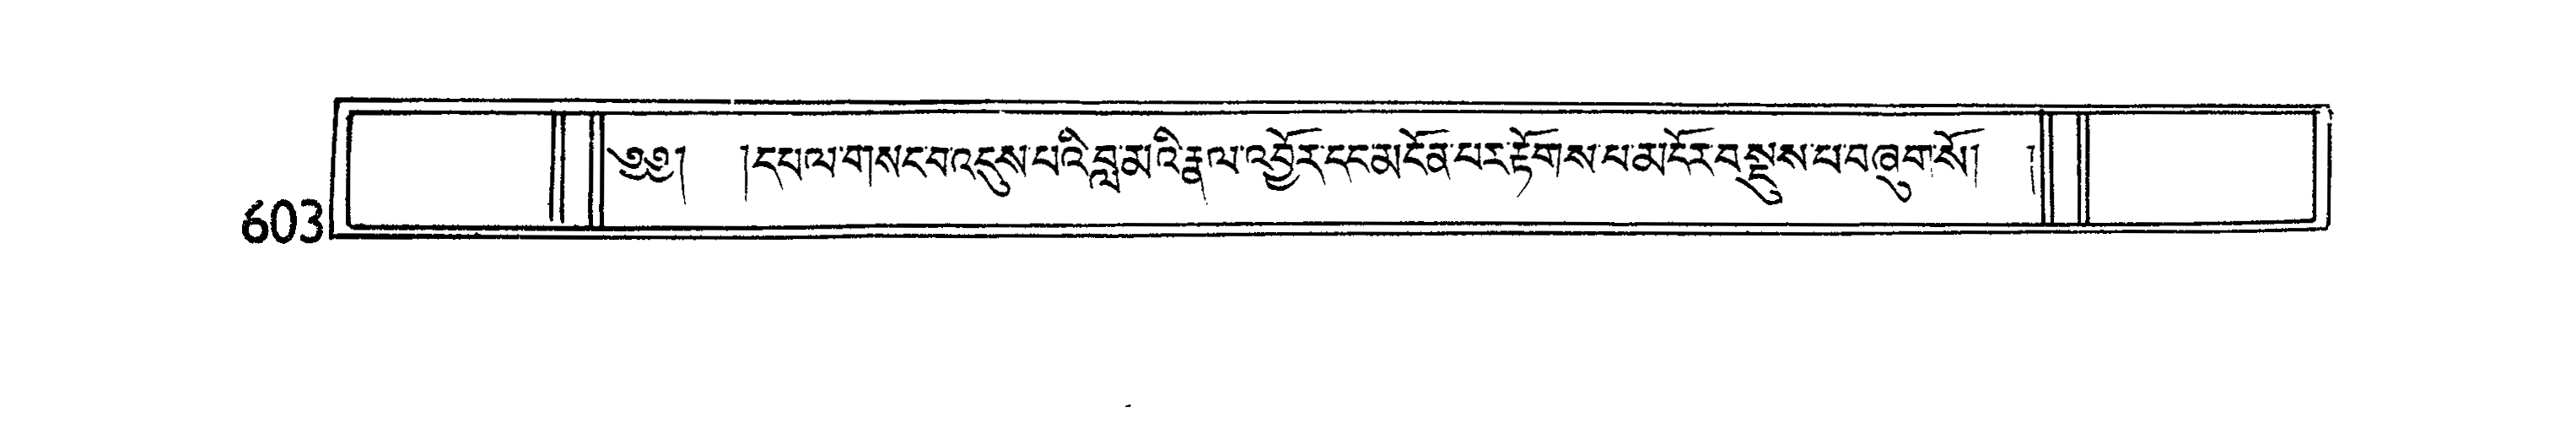༄༅། །དཔལ་གསང་བ་འདུས་པའི་བླ་མའི་རྣལ་འབྱོར་དང་མངོན་པར་རྟོགས་པ་མདོར་བསྡུས་པ་བཞུགས་སོ། །